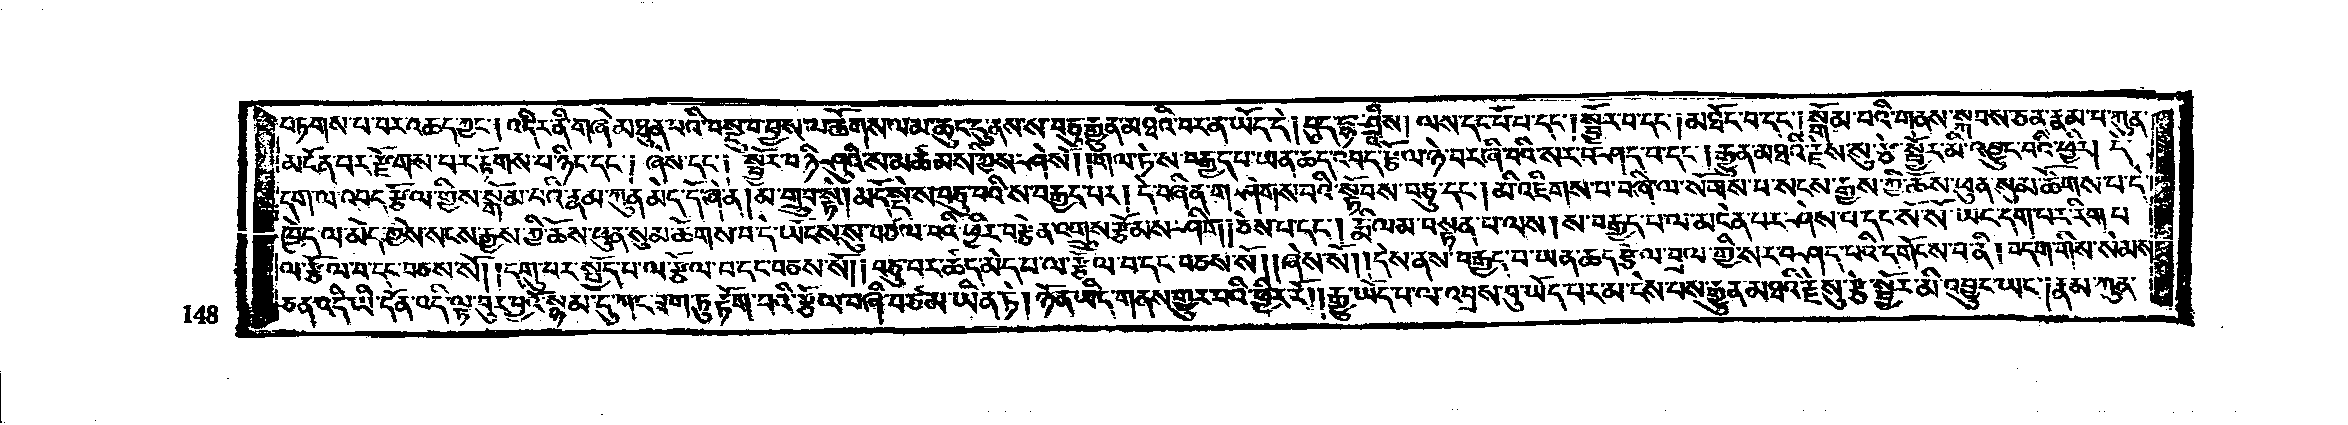བཏགས་པ་བར་འཆད་ཀྱང་། འདིར་ནི་གཞི་མཐུན་པའི་བསྡུ་བ་བྱས་ལ་ཚོགས་ལམ་ཆུང་ངུ་ནས་ས་བཅུ་རྒྱུན་མཐའི་བར་ན་ཡོད་དེ། བུད་དྷ་ཤྲཱིས། ལས་དང་པོ་པ་དང་། སྦྱོར་བ་དང་། མཐོང་བ་དང་། སྒོམ་པའི་གནས་སྐབས་ཅན་རྣམ་པ་ཀུན་
མངོན་པར་རྫོགས་པར་རྟོགས་པ་ཉིད་དང་། ཞེས་དང་། སྦྱོར་བ་ཉི་ཤུའི་ས་མཚམས་ཀྱིས་ཤེས་སོ། །གལ་ཏེ་ས་བརྒྱད་པ་ཡན་ཆད་འབད་རྩོལ་ཉེ་བར་ཞི་བའི་སར་བཤད་པ་དང་། རྒྱུན་མཐའི་རྗེས་སུ་རྩེ་སྦྱོར་མི་འབྱུང་བའི་ཕྱིར། དེ་
དག་ལ་འབད་རྩོལ་གྱིས་སྒོམ་པའི་རྣམ་ཀུན་མེད་དོ་ཞེ་ན། མ་གྲུབ་སྟེ། མདོ་སྡེ་ས་བཅུ་པའི་ས་བརྒྱད་པར། དེ་བཞིན་གཤེགས་པའི་སྟོབས་བཅུ་དང་། མི་འཇིགས་པ་བཞི་ལ་སོགས་པ་སངས་རྒྱས་ཀྱི་ཆོས་ཕུན་སུམ་ཚོགས་པ་དེ་
ཁྱེད་ལ་མེད་ཀྱིས་སངས་རྒྱས་ཀྱི་ཆོས་ཕུན་སུམ་ཚོགས་པ་དེ་ཡོངས་སུ་བཙལ་བའི་ཕྱིར་བརྩོན་འགྲུས་རྩོམས་ཤིག །ཅེས་པ་དང་། རྨི་ལམ་བསྟན་པ་ལས། ས་བརྒྱད་པ་ལ་མངོན་པར་ཤེས་པ་དང་སོ་སོ་ཡང་དག་པར་རིག་པ་
ལ་རྩོལ་བ་དང་བཅས་སོ། །དགུ་པར་སྤྱོད་པ་ལ་རྩོལ་བ་དང་བཅས་སོ། །བཅུ་པར་ཚད་མེད་པ་ལ་རྩོལ་བ་དང་བཅས་སོ། །ཞེས་སོ། །དེས་ནས་བརྒྱད་པ་ཡན་ཆད་རྩོལ་བྲལ་གྱི་སར་བཤད་པའི་དགོངས་པ་ནི། བདག་གིས་སེམས་
ཅན་འདི་ཡི་དོན་འདི་ལྟ་བུར་བྱའོ་སྙམ་དུ་གང་ཟག་ཏུ་རྟོག་པའི་རྩོལ་བཞི་པ་ཙམ་ཡིན་ཏེ། ཉོན་ཡིད་གནས་གྱུར་པའི་ཕྱིར་རོ། །རྒྱུ་ཡོད་པ་ལ་འབྲས་བུ་ཡོད་པར་མ་ངེས་པས་རྒྱུན་མཐའི་རྗེས་སུ་རྩེ་སྦྱོར་མི་འབྱུང་ཡང་། རྣམ་ཀུན་